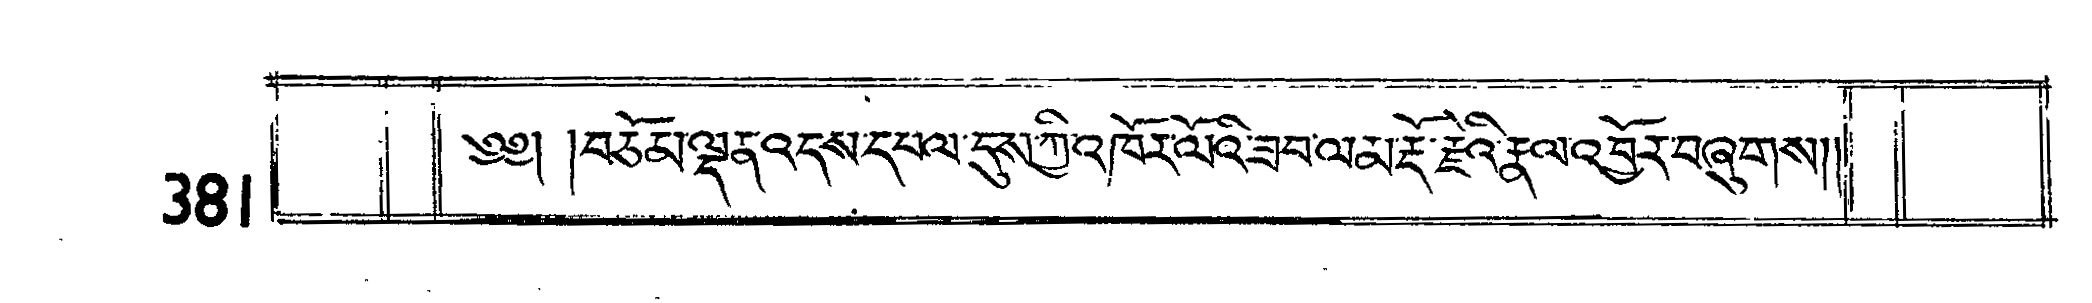༄༅། །བཅོམ་ལྡན་འདས་དཔལ་དུས་ཀྱི་འཁོར་ལོའི་ཟབ་ལམ་རྡོ་རྗེའི་རྣལ་འབྱོར་བཞུགས། །